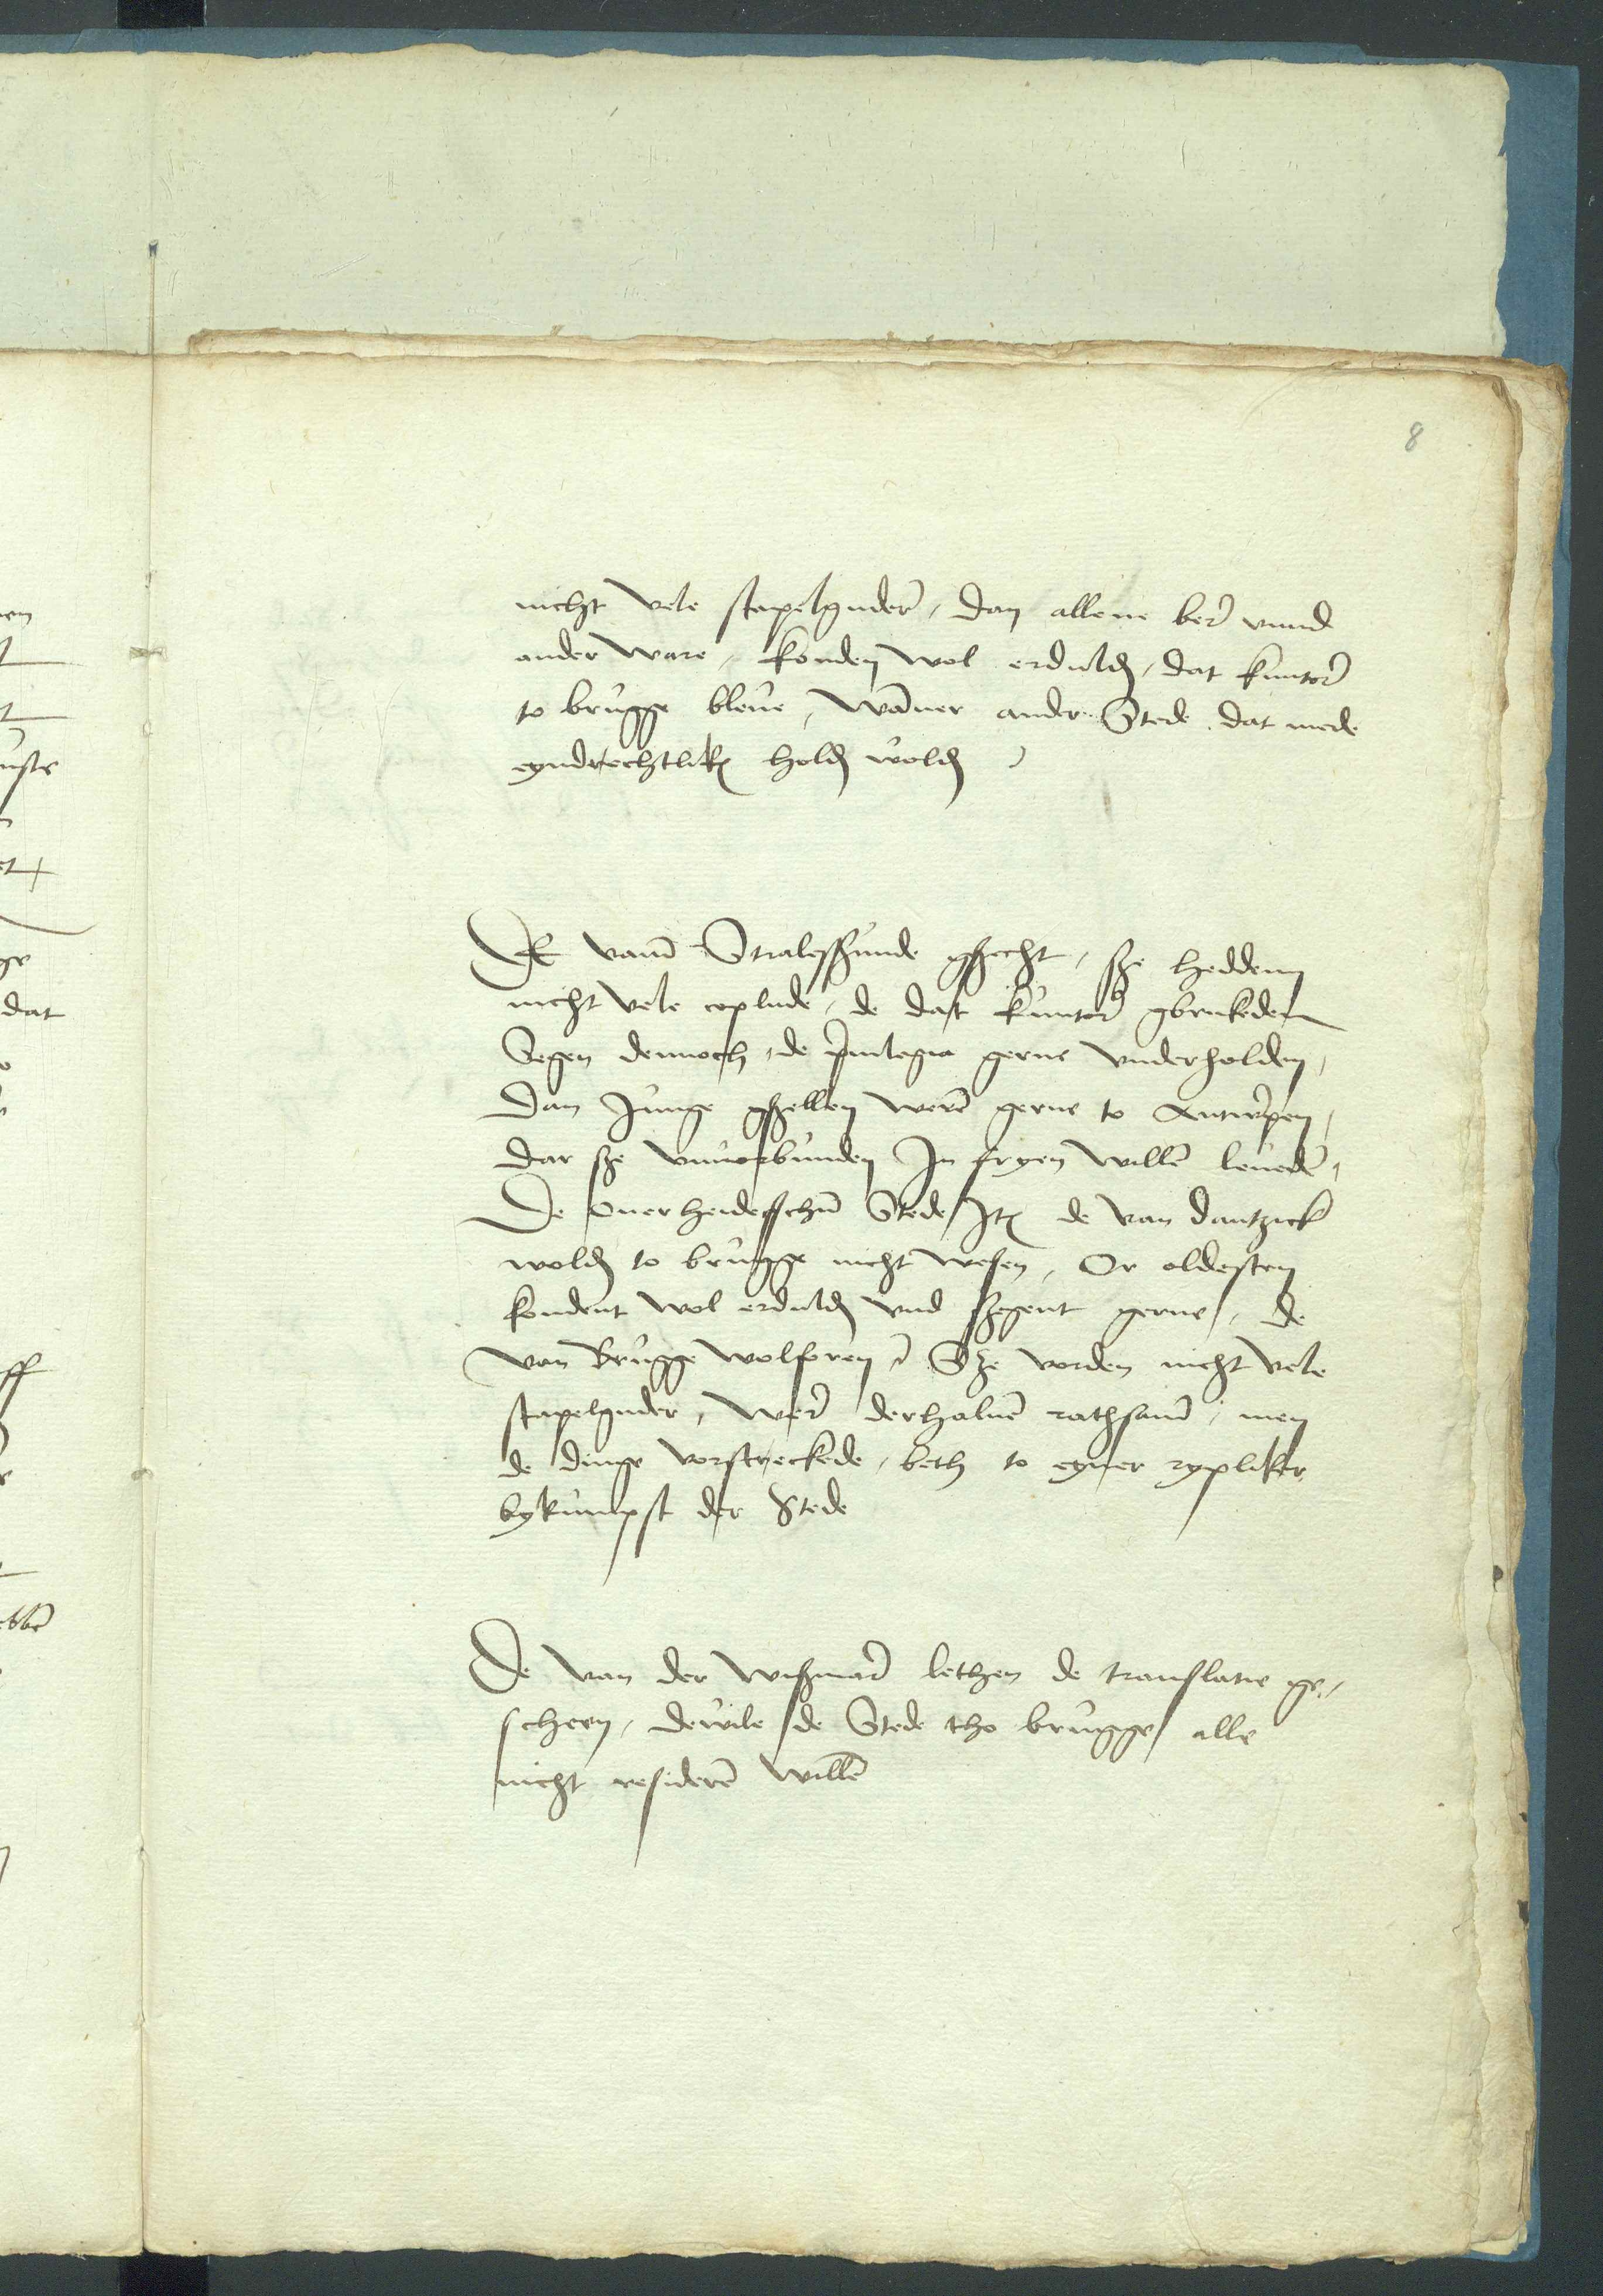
nicht vele stapelgudere, dan allene ber vnnd
ander ware, konden wol erdulden, dat kuntor
to brugge bleue, wanner ander Stede dat mede
eyndrechtliken holden wolden
De van Stralesßunde gßecht, ße hedden
nicht vele coplude, de dat kuntor gbrukeden
Segen dennoch, de priuilegia gerne vnderholden
dan Junge gßellen weren gerne to Antwerpen,
dar ße vnuorbunden Jn fryen willen leuenden
De Ouerheidesschen Stede Jtem de van dantzick
wolden to brugge nicht wesen, Or oldesten
kondent wol erdulden vnd ßegent gerne de
van Brugge wolfrey etcetera Sze vorden nicht vele
stapelguder, were derhaluen rathsam, men
de dinge vorstreckede, beth to eyner rypliker
bykumpst der Stede
De van der wißmar lethen de translatie ge¬
scheen, dewile de Stede tho brugge alle
nicht resideren willen
